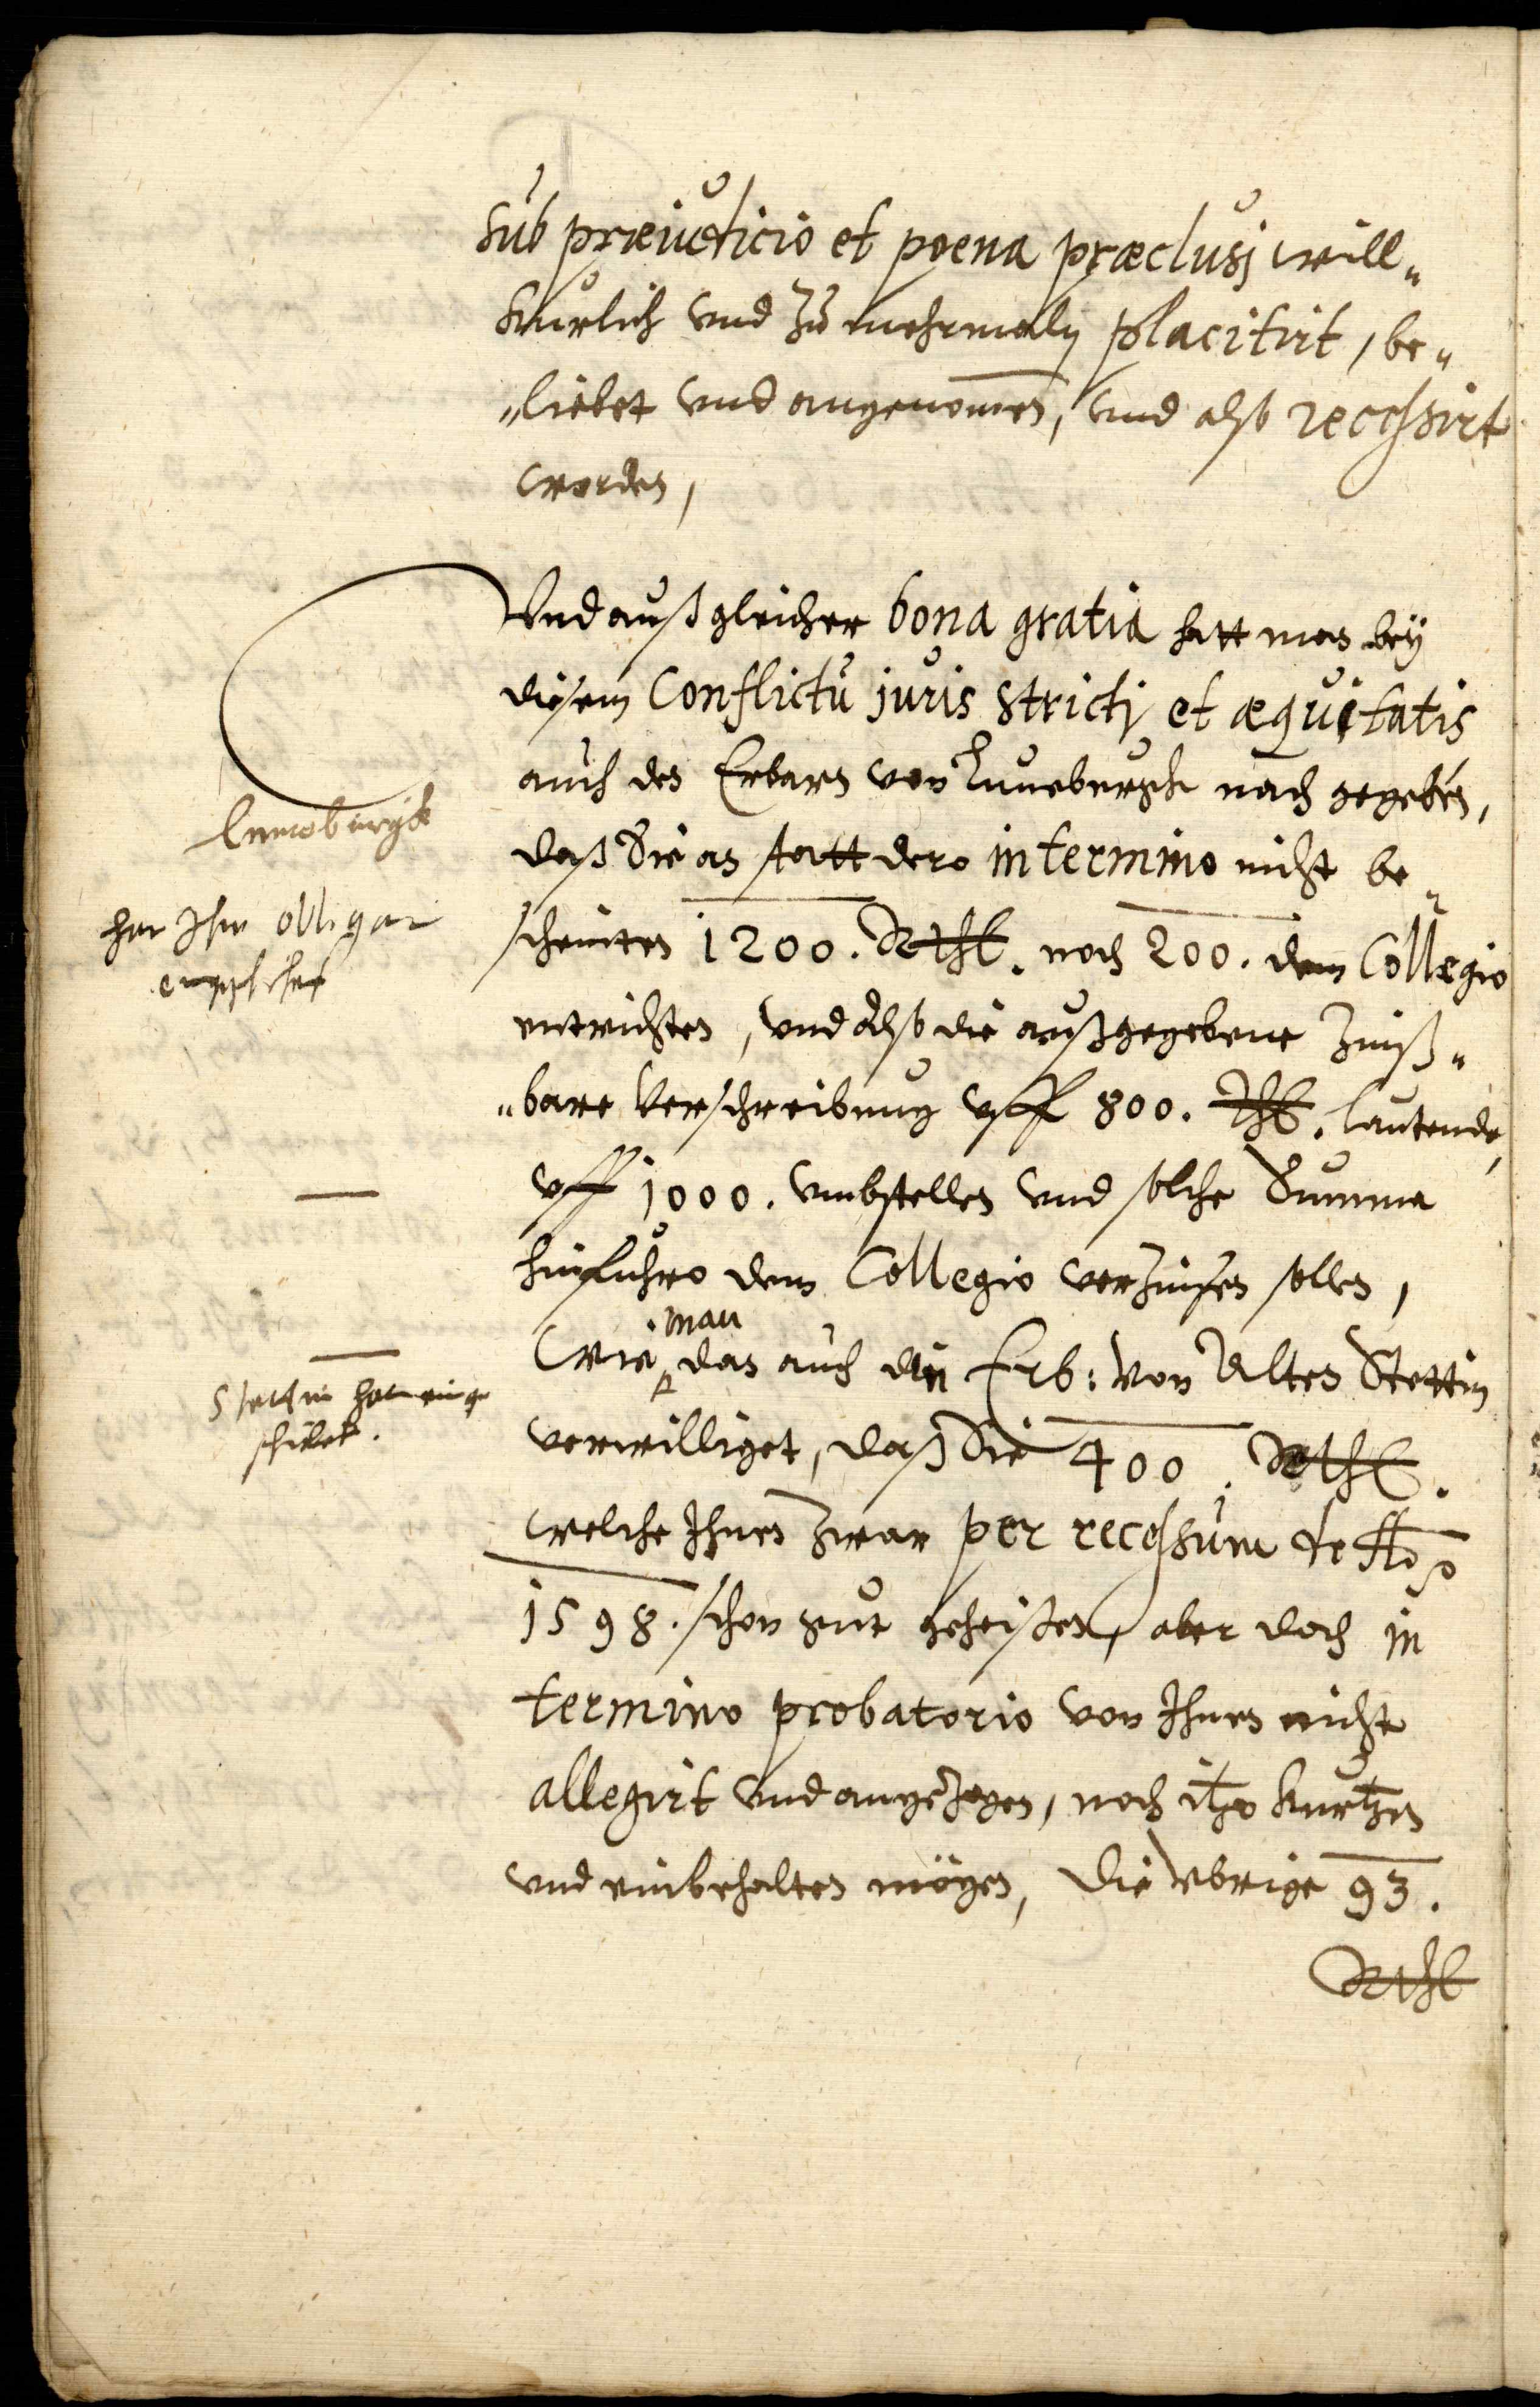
sub praeiudicio et poena praeclusj will¬
kurlich vnd zu mehrmaln placitirt, be¬
liebet vnd angenommen, vnd also recessirt
worden,
luneburgk
hat Ihr obligat
eingeschicket
Stettin hat einge
schicket.
Vnd auß gleicher bona gratia hatt man beij
diesem Conflictu juris strictj et aequitatis
auch den Erbarn von Luneburgk nach gegeben,
daß Sie an statt dero in termino nicht be¬
scheinten 1200. Rthl. noch 200. dem Collegio
entrichten, vnd Also die außgegebene zinß¬
bare Verschreibung vff 800. Thl. lautende,
vff 1000. vmbstellen vnd solche Summa
hinfuhro dem Collegio verzinsen sollen,
man
Wie dan auch die Erb. von Alten Stettin
verwilliget, daß Sie 400 Rthl.
welche Ihnen zwar per recessum de Ao p
1598. schon gut geheißen, aber doch in
termino probatorio von Ihnen nicht
allegirt vnd angezogen, noch itzo kurtzen
vnd einbehalten mögen, die vbrige 93.
Rthl.
